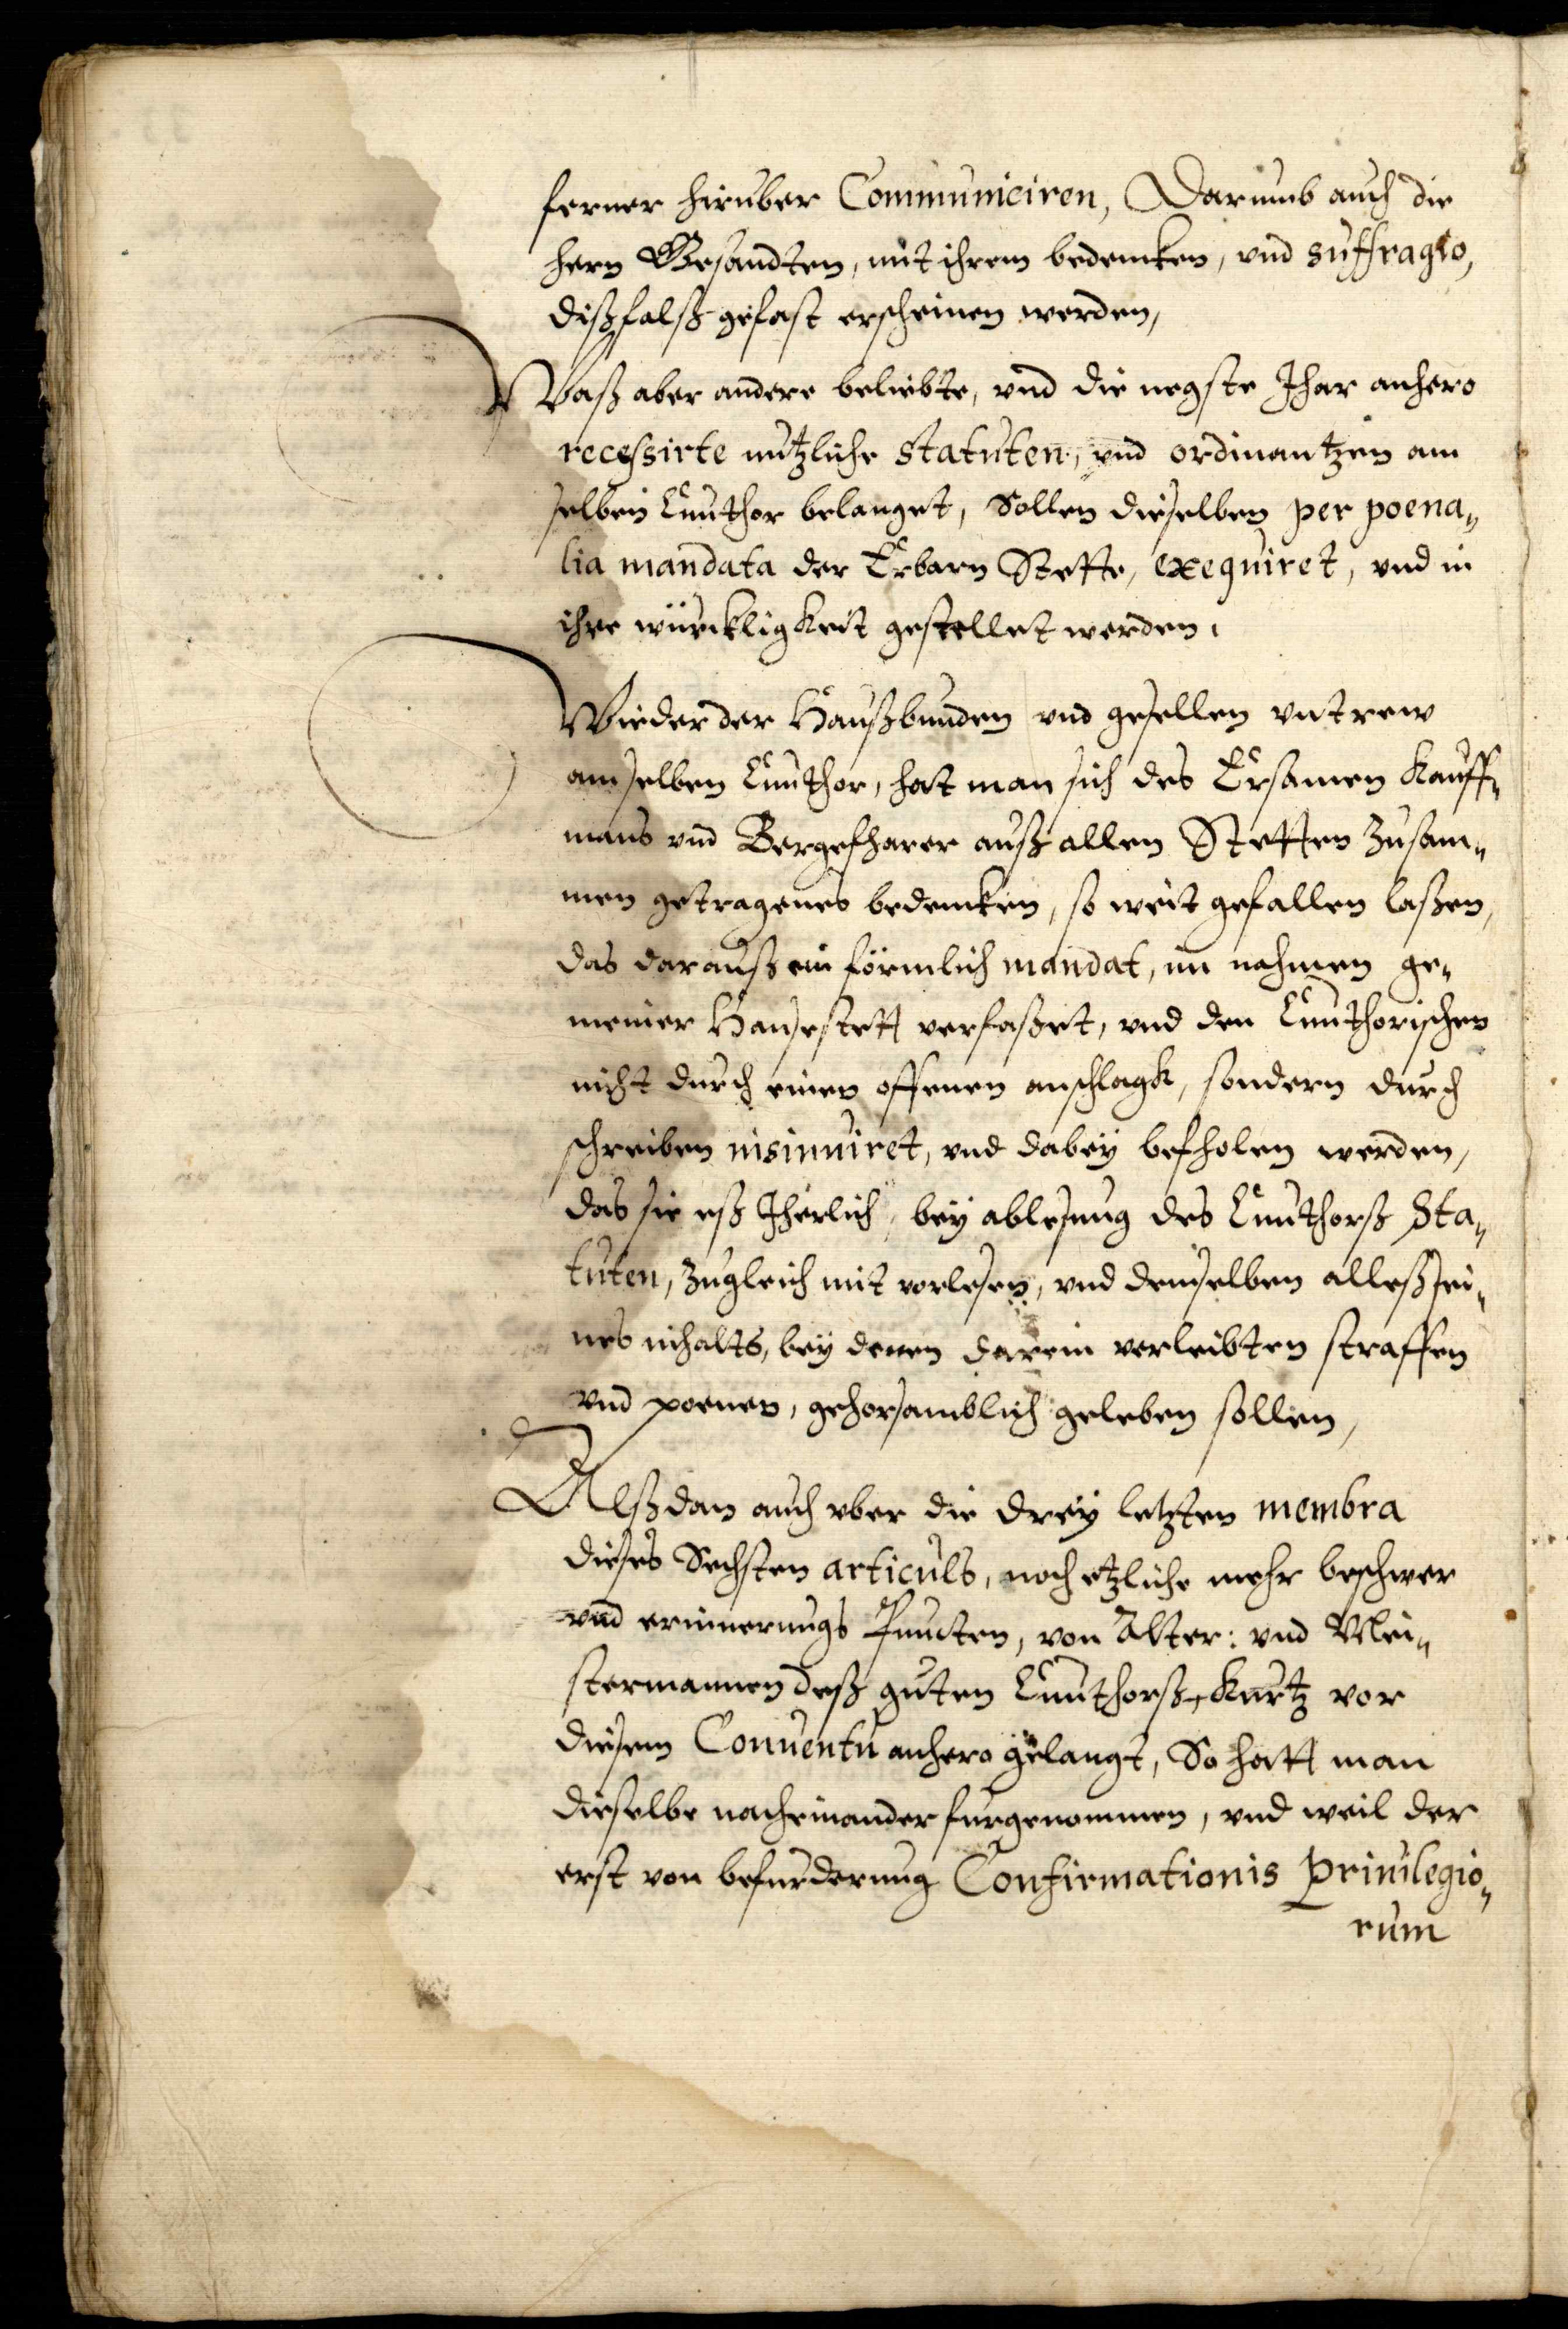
ferner hirüber Communiciren, Darumb auch die
Hern Gesandten, mit ihrem bedencken, vnd suffragio,
dißfalß gefast erscheinen werden,
Waß aber andere beliebte, vnd die negste Jhar anhero
recessirte nutzliche statuten, vnd ordinantzen am
selben Cunthor belanget, sollen dieselben per poena¬
lia mandata der Erbarn Stette, exequiret, vnd in
ihre würckligkeit gestellet werden,
Wieder der Haußbunden vnd gesellen vntrew
am selben Cunthor, hat man sich des Ersamen Kauff¬
mans vnd Bergefharer auß allen Stetten zusam¬
men getragenes bedenken, so weit gefallen laßen,
das darauß ein förmlich mandat, im nahmen ge¬
meiner Hansestett vefaßet, vnd den Cunthorischen
nicht durch einen offenen anschlagk, sondern durch
schreiben insinuiret, vnd dabeij befholen werden,
das sie eß Jherlich, bey ablesung des Cunthorß Sta¬
tuten, zugleich mit vorlesen, vnd demselben alleß sei¬
nes inhalts, beij denen darein verleibten straffen
vnd poenes, gehorsamblich geleben sollen,
Alßdan auch vber die dreij letzten membra
dieses Sechsten articuls, noch etzliche mehr beschwer
vnd erinnerungs Puncten, von Alter: vnd Mei¬
stermannen deß guten Cunthorß, kurtz vor
diesem Conuentu anhero gelangt, so hatt man
dieselbe nacheinander fürgenommen, vnd weil der
erst von befurderung Confirmationis priuilegio¬
rum
